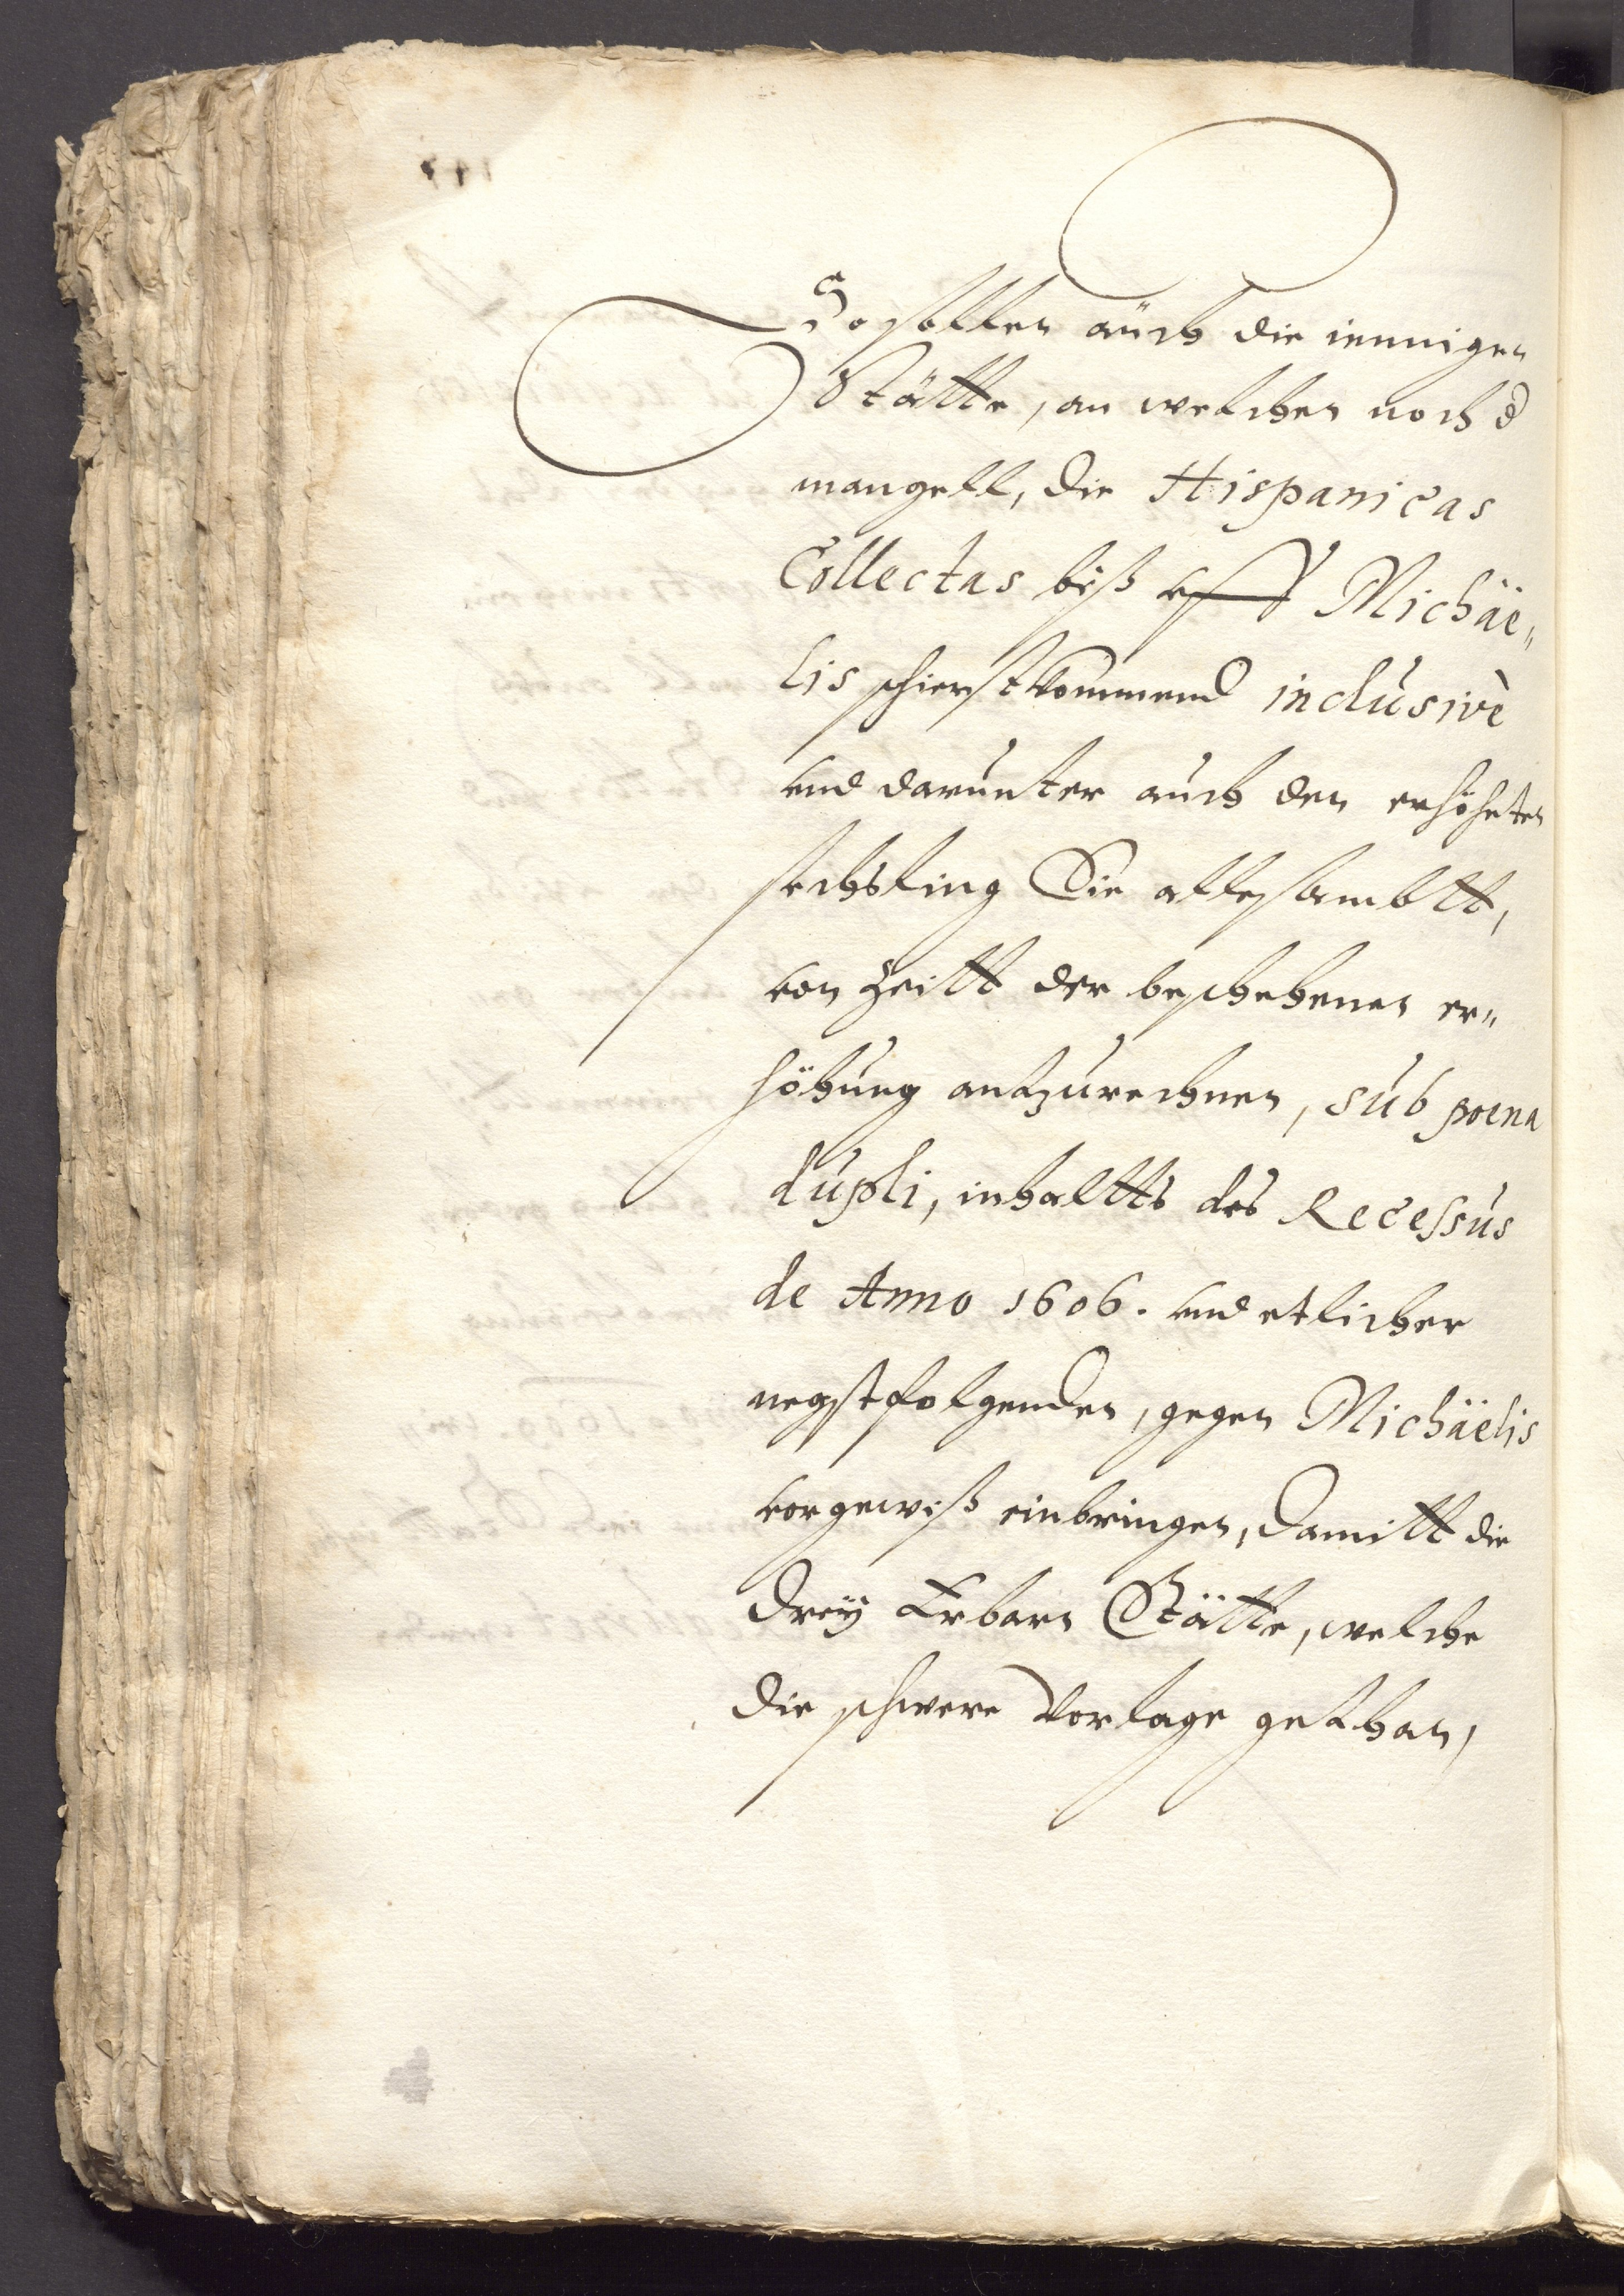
So sollen aüch die iennigen
Stätte, an welchen noch der
mangell, die Hispanicas
Collectas biß uff Michäe¬
lis schierstkommend inclusive
vnd darunter auch den erhöheten
sechsling Sie allesambtt,
von zeitt der beschehenen er¬
höhung antzurechnen, sub poena
dupli, inhaltts des Recessus
de Anno 1606. vnd etlicher
negstfolgeden, gegen Michäelis
vorgewiß einbringen, damitt die
dreij Erbarn Stätte, welche
die schwere Vorlage gethan,
